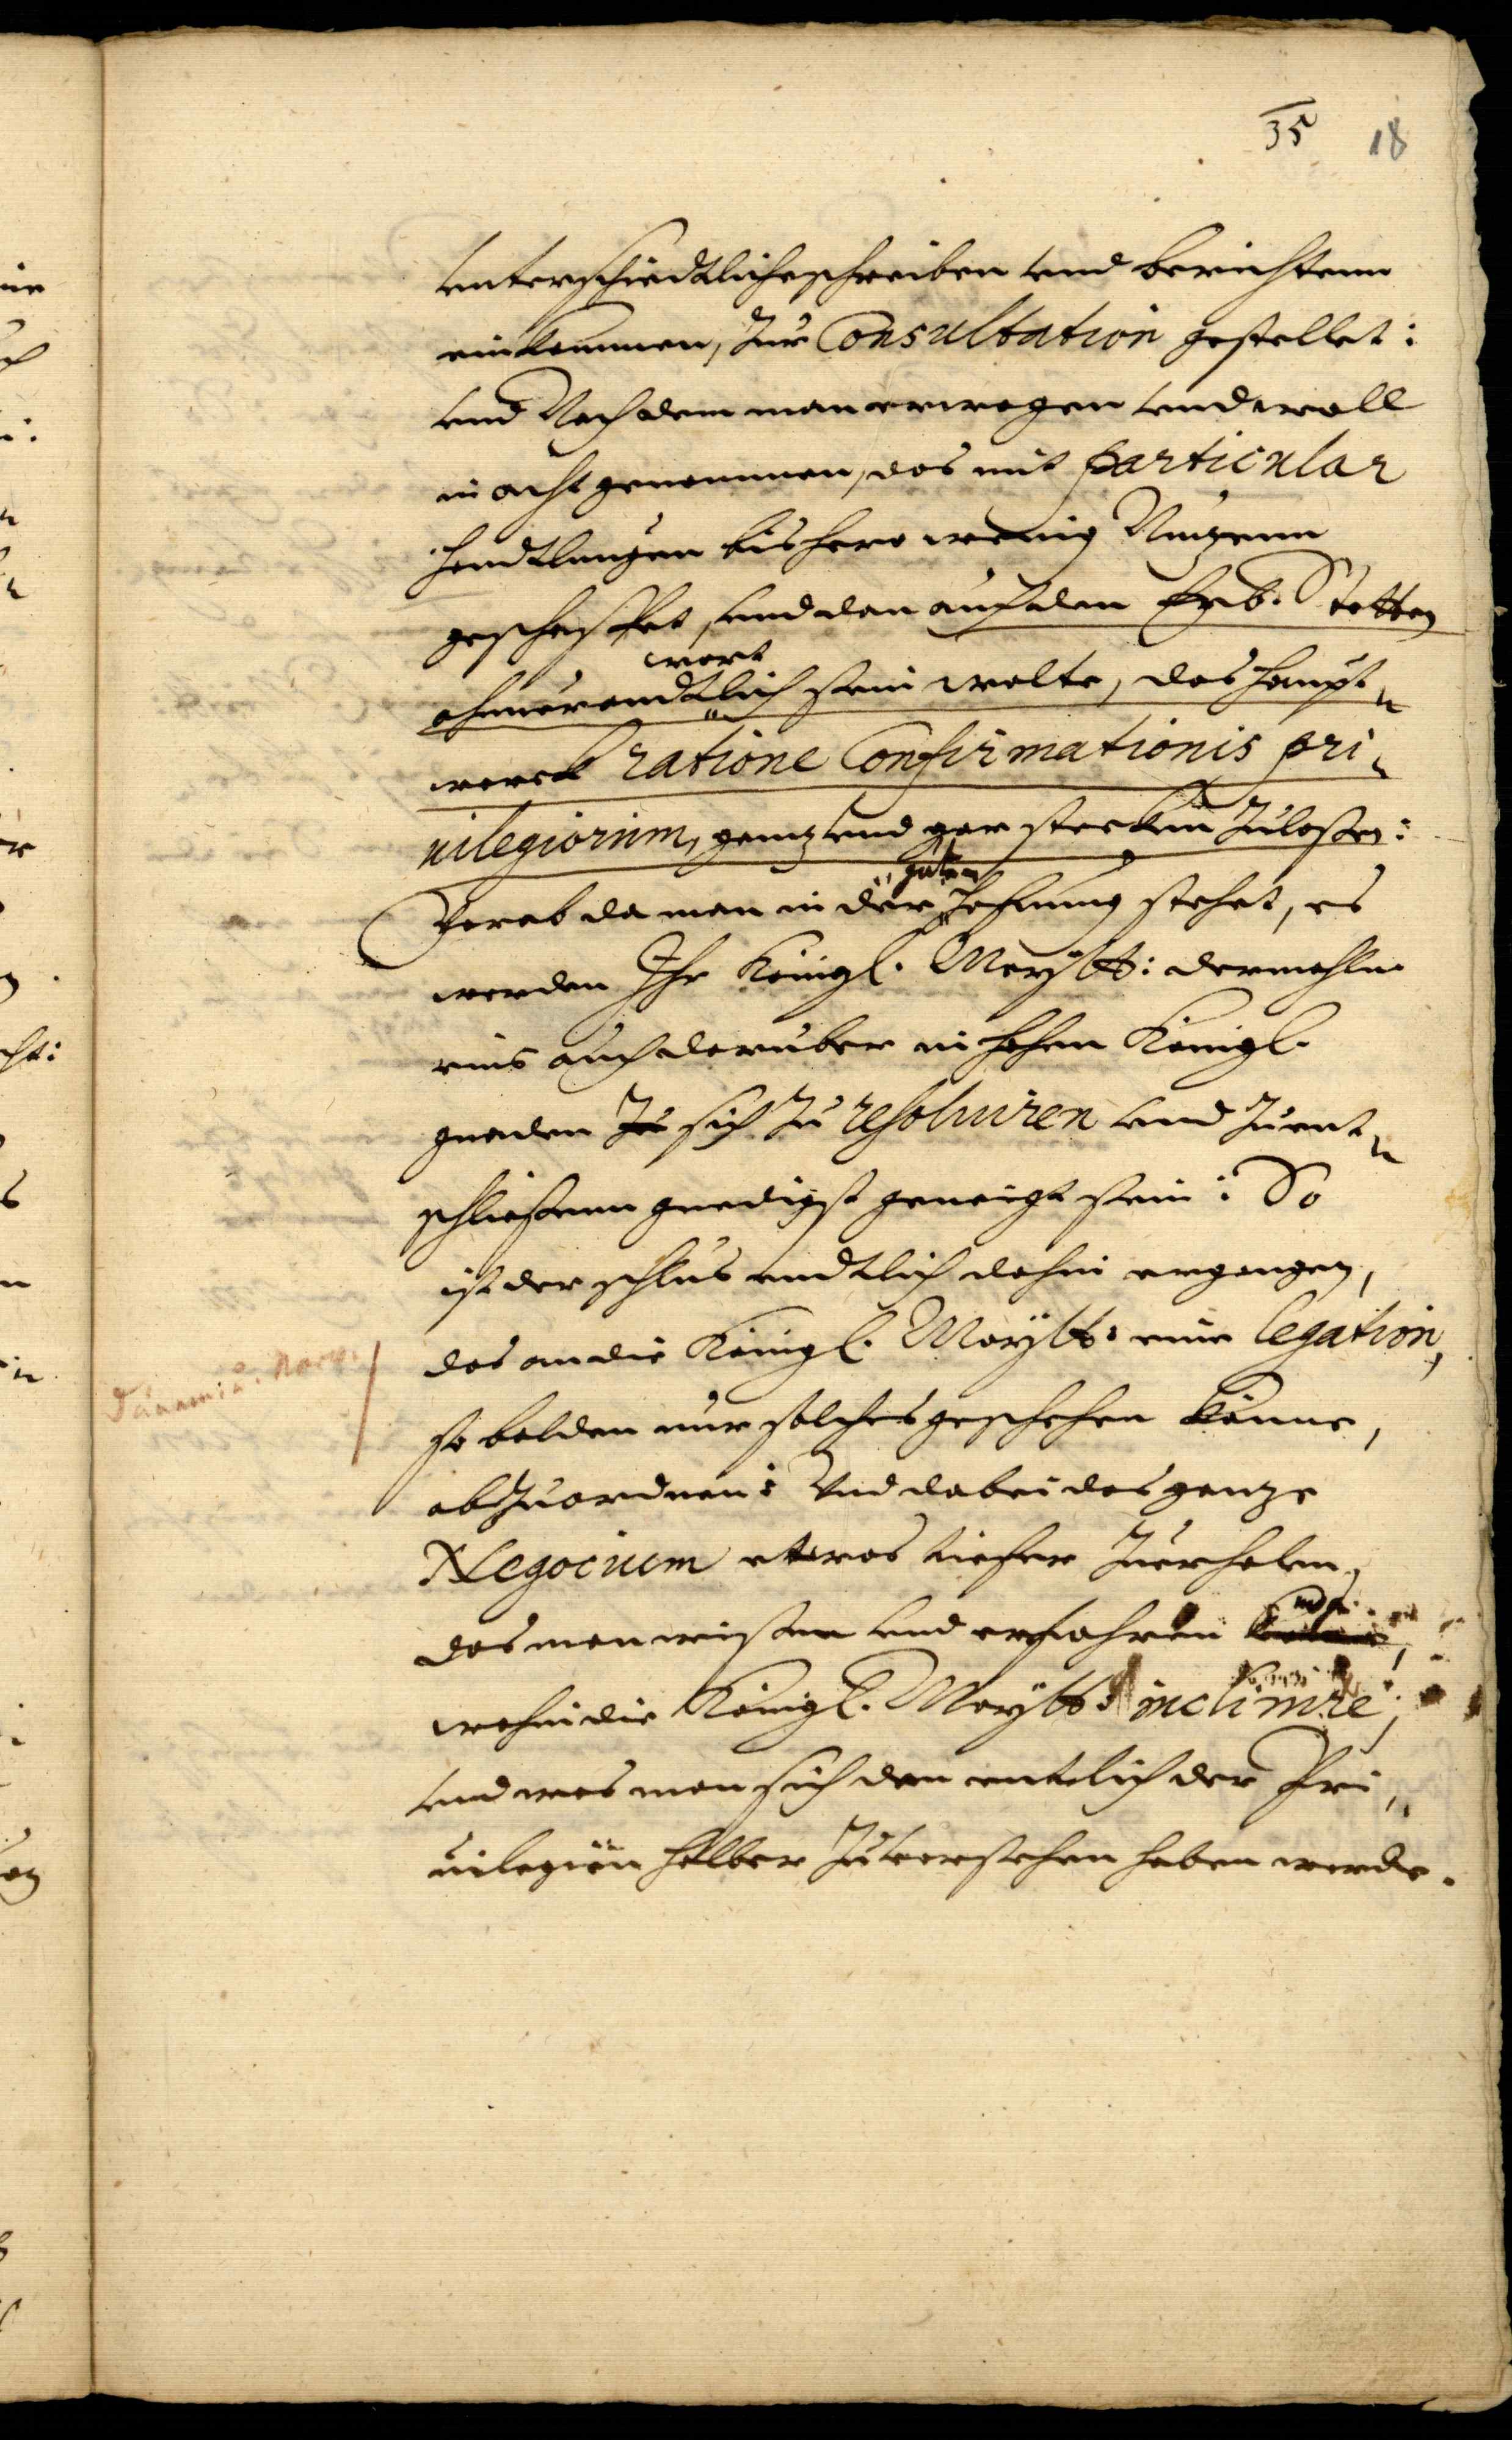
35
vnterschiedtlicheschreiben vnd berichtenn
einkommen, zur Consultation gestellet:
vnd Nachdem man erwogen vnd woll
in acht genommen, das mit particular
handtlungen bishero wenig Nutzenn
geschaffet, vnd dan auch den Erb. Stetten
wort
ohnuerandtlich sein wolte, das haupt¬
werck ratione Confirmationis pri¬
vilegiorum, gantz vnd gar stecken zulaßen:
guten
Vorab da man in der hofnung stehet, es
werden Ihre Königl. Maijtt: dermahlen
rins auch daruber in hohen Königl.
gnaden zu sich zu resolviren vnd zu ent¬
schließenn gnedigst geneigt sein: So
ist der schlus endtlich dahin ergangen,
das an die Königl. Maijtt: eine Legation,
so balden nur solches geschehen könne,
abzuordnen: Vnd dabei das ganze
Negocium etwas tiefer zuerholen,
mag
das man wißen vnd erfahren konne
wohin die Königl. Maijtt: inclinire;
vnd was man sich dan entlich der Pri¬
uilegien halber zu verstehen haben werde.
